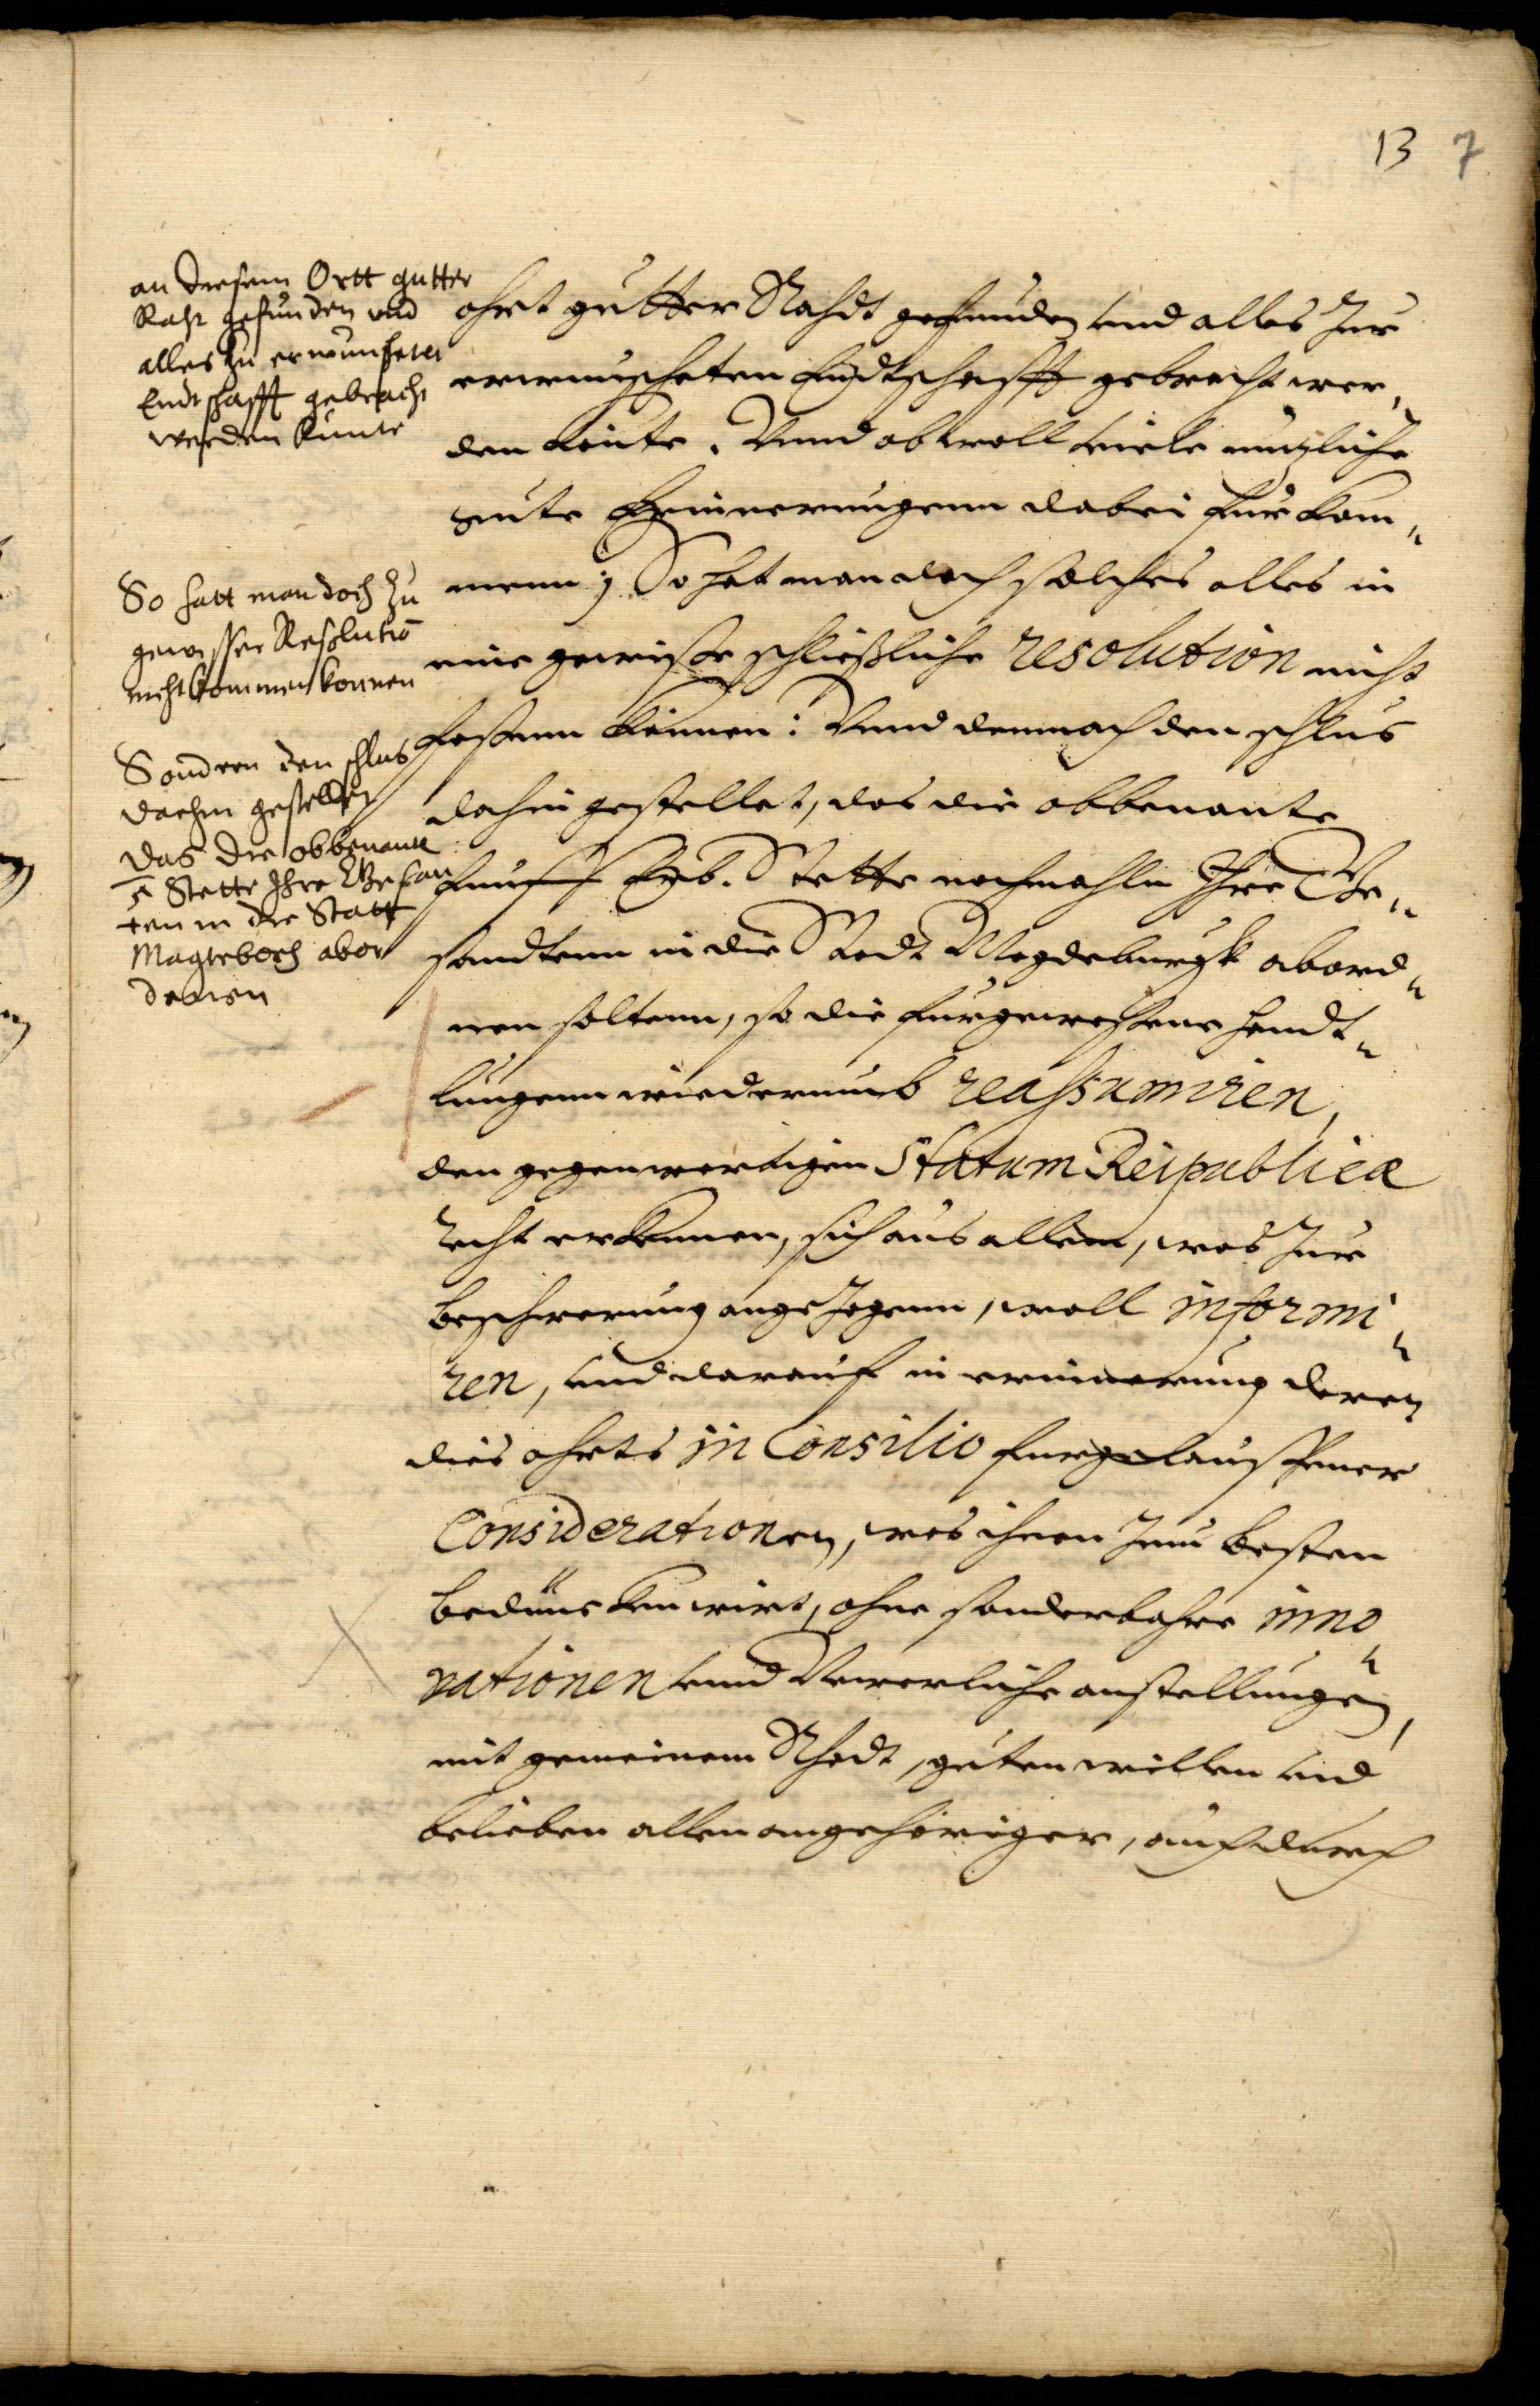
13
an diesem Ortt gutter
Raht gefunden vnd
alles zu erwunscheter
Endtschafft gebracht
werden kunte
So hatt man doch zu
gewisser Resolutiō
nicht kommen konnen
Sondern den schlus
darhin gestellet
das der obbenante
5 Stette Ihre Gesan
ten in die Statt
Magteborch abo
denen
ohrt gutter Rahdt gefunden vnd alles zur
erwunscheten Endtschafft gebracht wer¬
den könte. Vnd obwoll viele nutzliche
gute Erinnerungenn dabei fur kom¬
menn; So hat man doch solches alles in
eine gewiße schließliche resolution nicht
faßenn können: Vnnd demnach den schlus
dahin gestellet, das die obbenante
funff Erb. Stette nochmahln Ihre Ge¬
sandtenn in die Stadt Magdeburgk abord¬
nen soltenn, so die furgeweßene handt¬
lungenn wiederumb reassumiren,
den gegenwertigen Statum Reipublicae
recht erkennen, sich aus allem, was zur
beschwerung angezogenn, woll informi¬
ren, vnd darauf in erinnerung deren
dies ohrts in Consilio furgelauffener
Considerationen, was ihnen zum besten
bedüncken wirt, ohne sonderbahre inno¬
vationen vnnd Newerliche anstellungen,
mit gemeinem Rhadt, guten willen vnd
belieben allen angehoriger, auch durch
